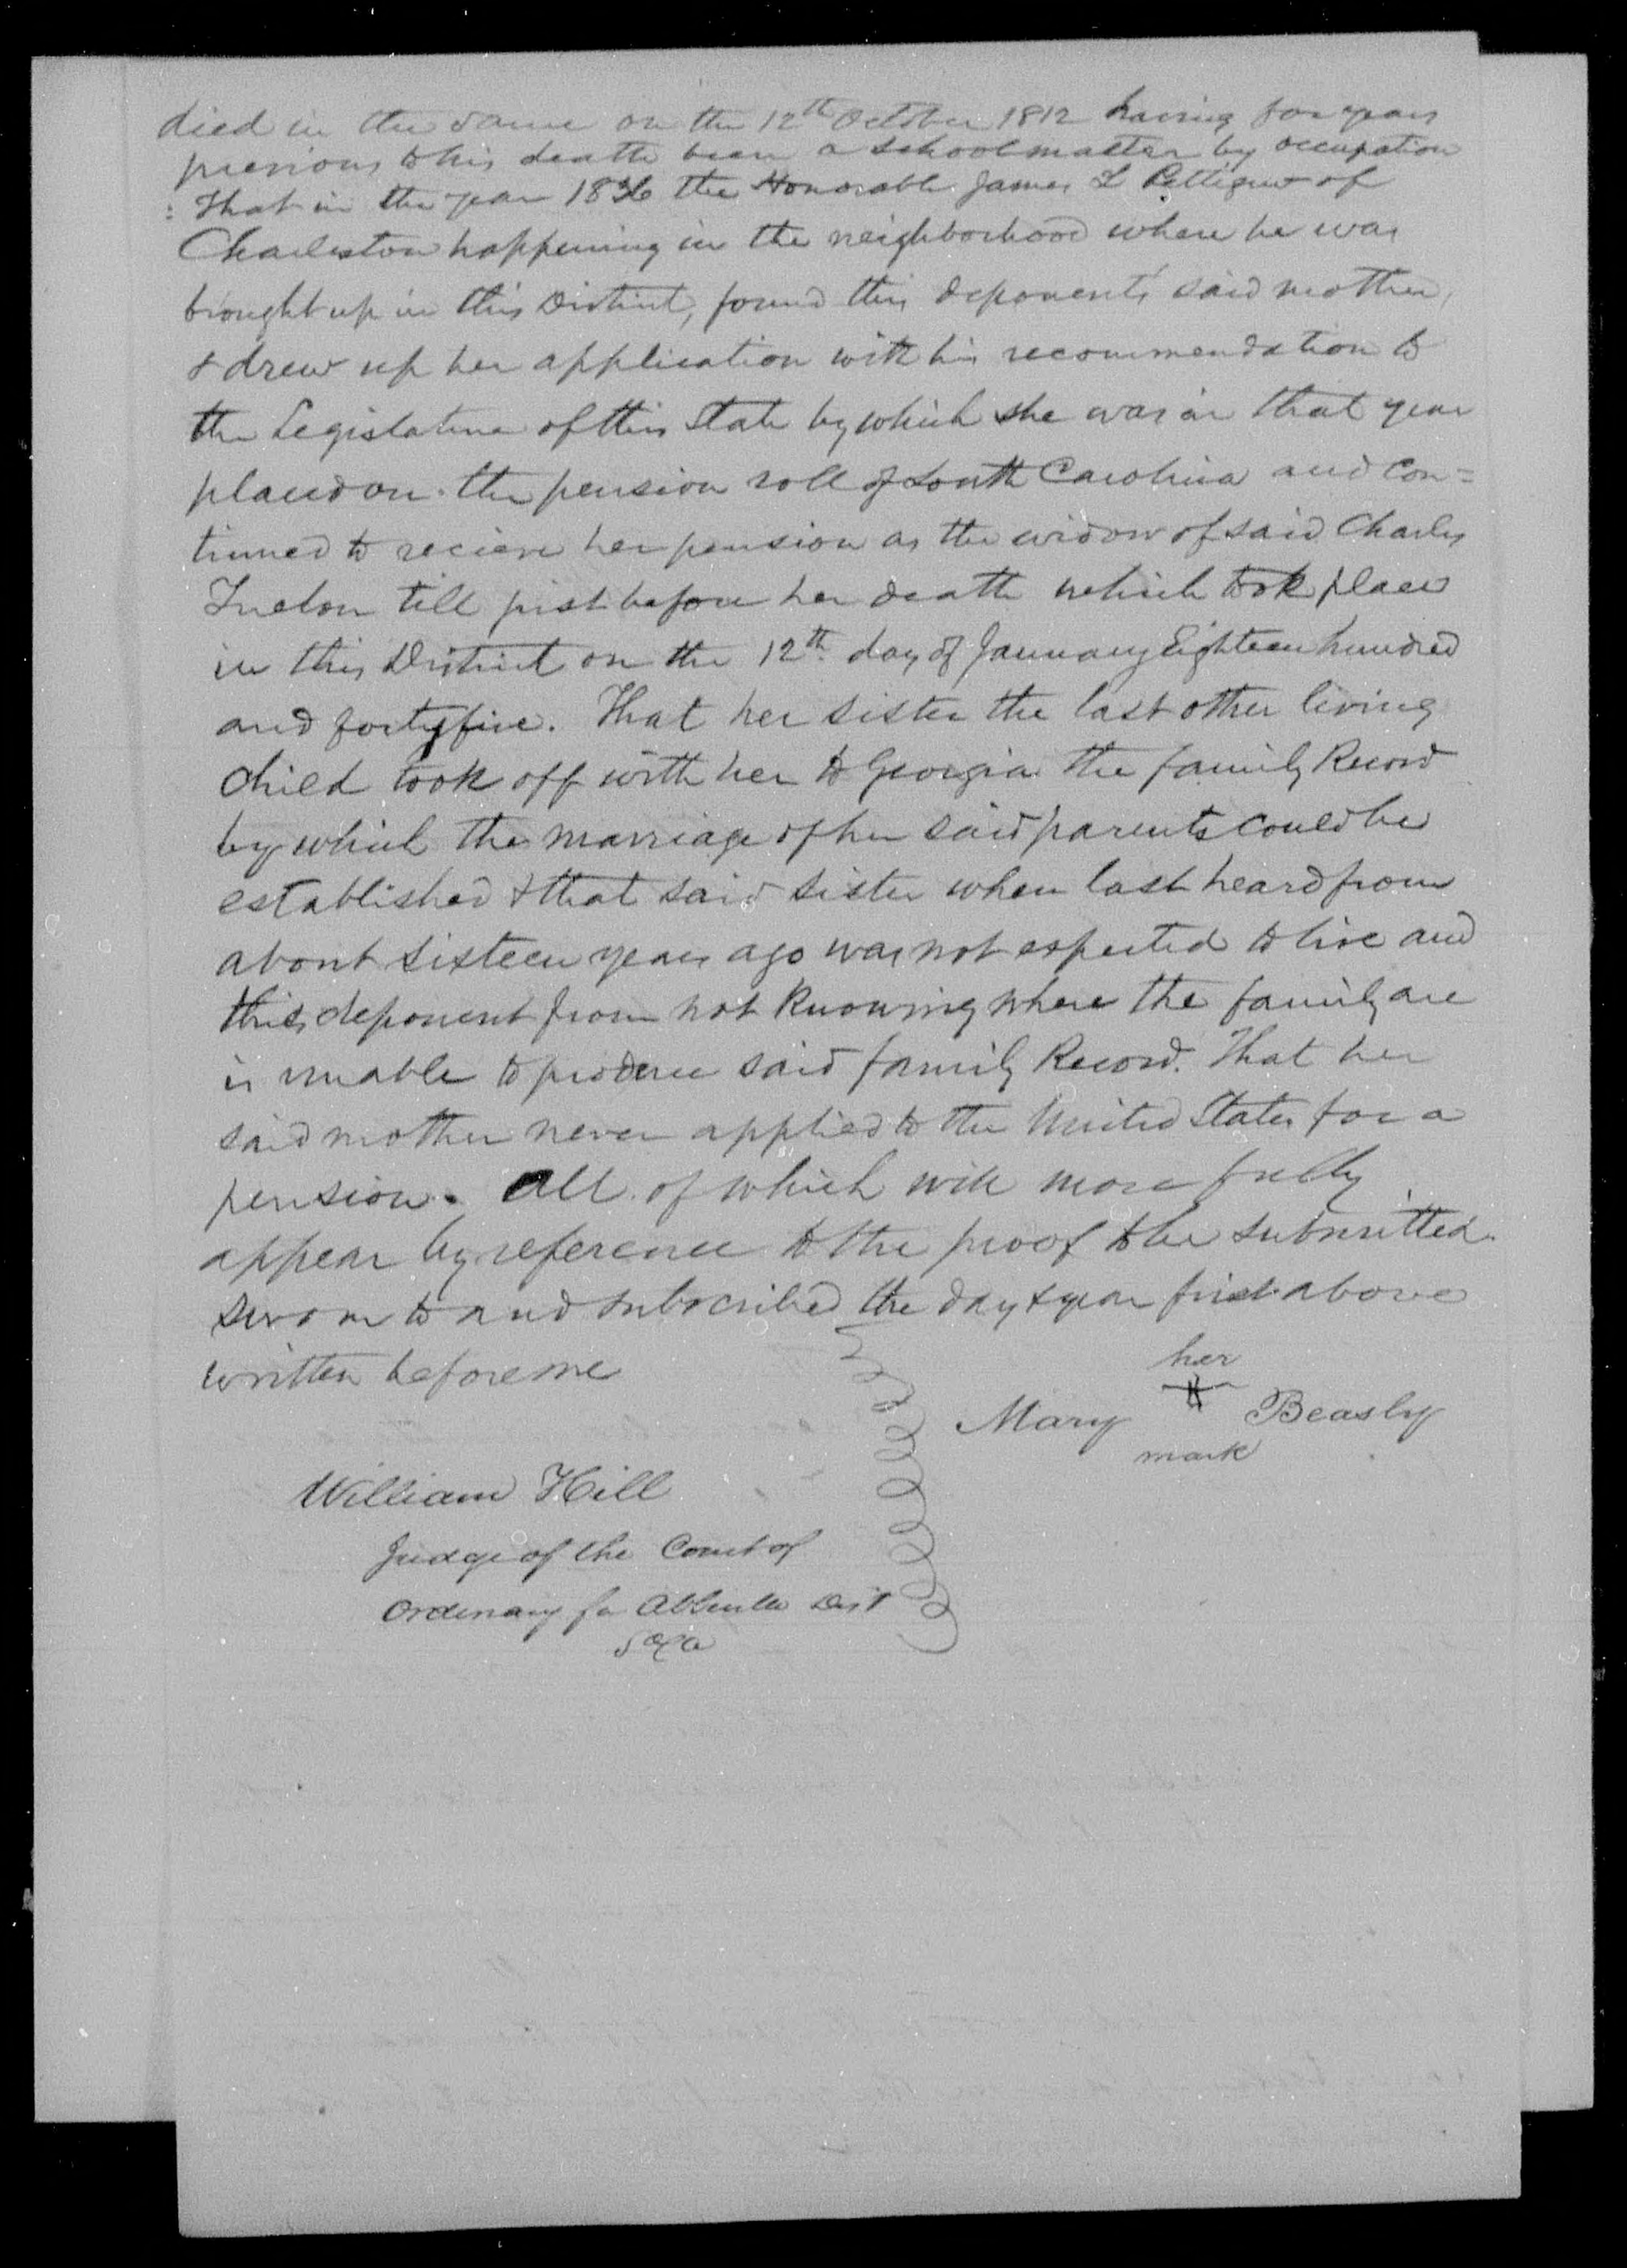died in the same on the 12th October1812 having for years previous this death been a schoolmaster by occupation: That in the year 1836 the Honorable James L Pettigent (sic) of Charleston happening in the neighborhood where he was brought up in this district, found this depenent's (sic) mother, & drew up her application with his recommendation to the Legislature of this state by which she was in that year placed on the pension roll of South Carolina and con-tinued to receive (sic) her pension as the widow of said Charles Tuelon (sic) till first before her death which took place in this district on the 12th day of January Eighteen hundred and forty-five. That her sister the last other living child took off with her to Georgia the family record by which the marriage of her said parents could be established & that said sister whom last heard from about sixteen years ago was not expected to live and this (illegible) not knowing where the family are is unable to produce said family Record. That her said mother never applied to the United States for a pension. All of which will more fully appear by reference of the proof to be submitted sworn to and subscribe the day & year first above written before me 
William Hill 
Judge of the Court of Ordinary for Abbeville Dist. 
So Ca (scribble)
Mary Beasly (her mark)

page: 7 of 19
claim: rejected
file: R. 10474, for Charles Teulon, South Carolina